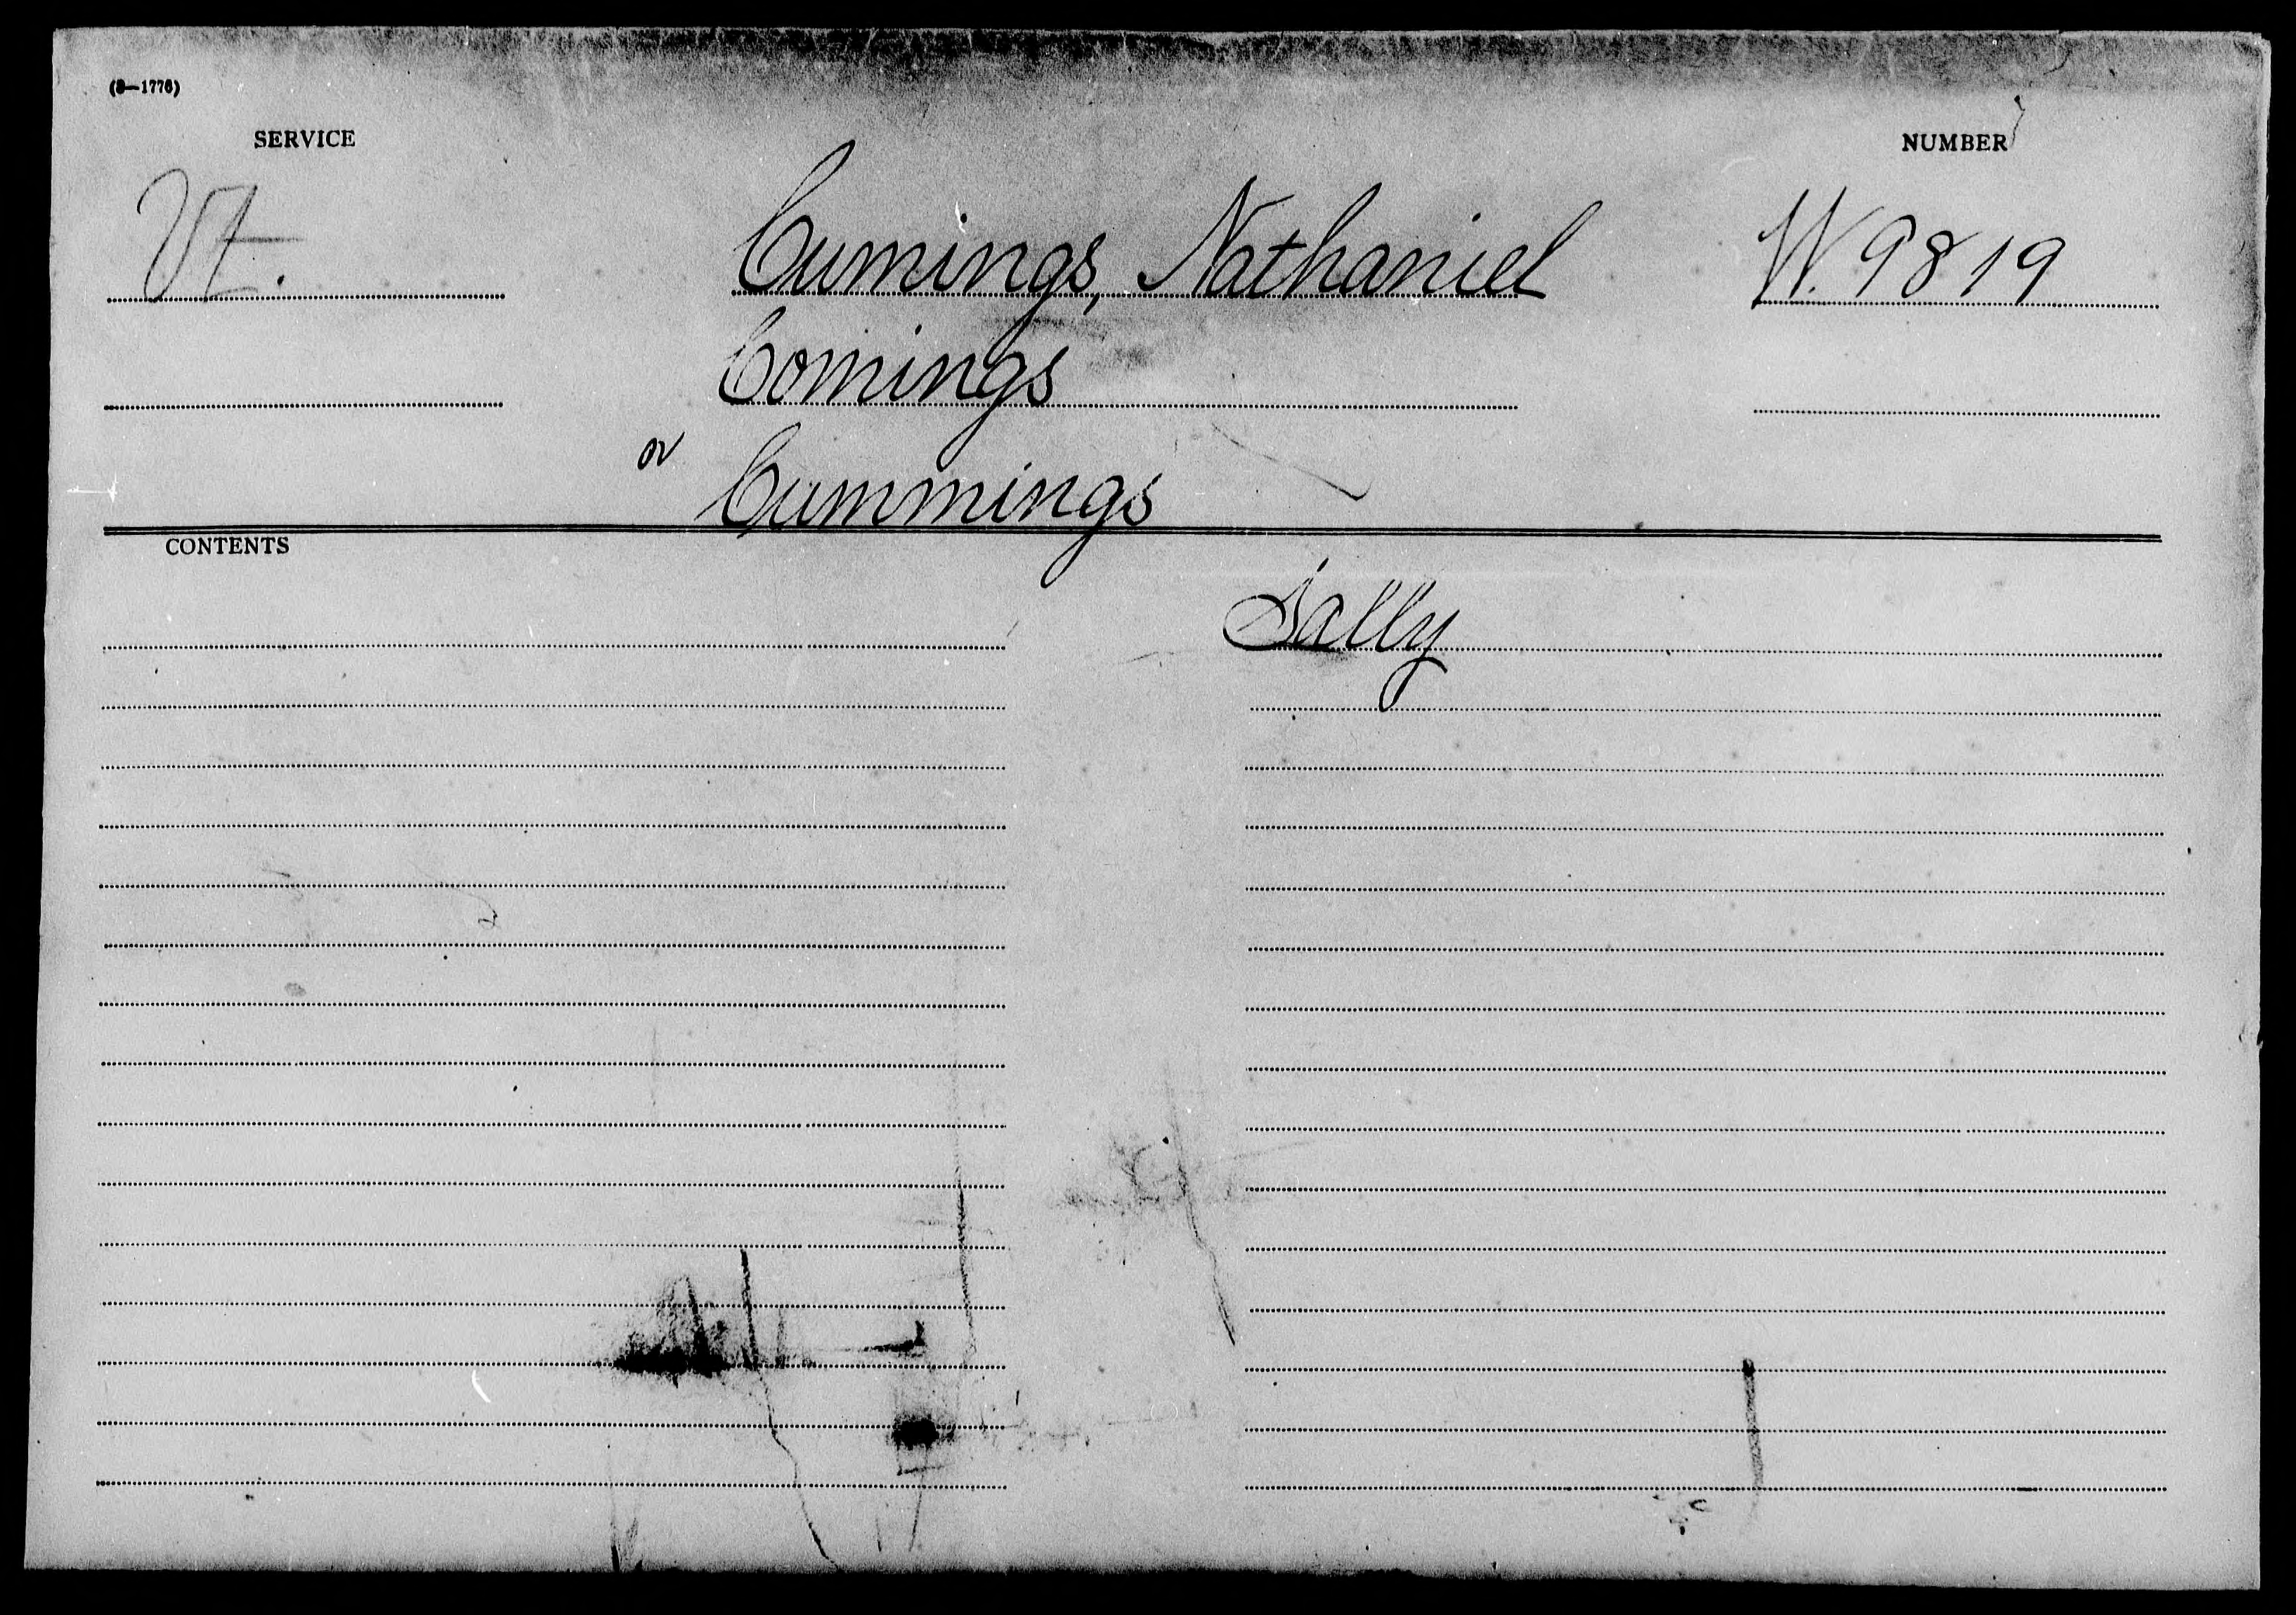(3 - 1776)
SERVICE  NUMBER
VT. Cumings, Nathaniel W.9819
Comings
or Cummings

CONTENTS Sally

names: Nathaniel Comings, Nathaniel Cummings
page: 1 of 41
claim: widow's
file: W. 9819, Nathaniel Cumings, Vt.